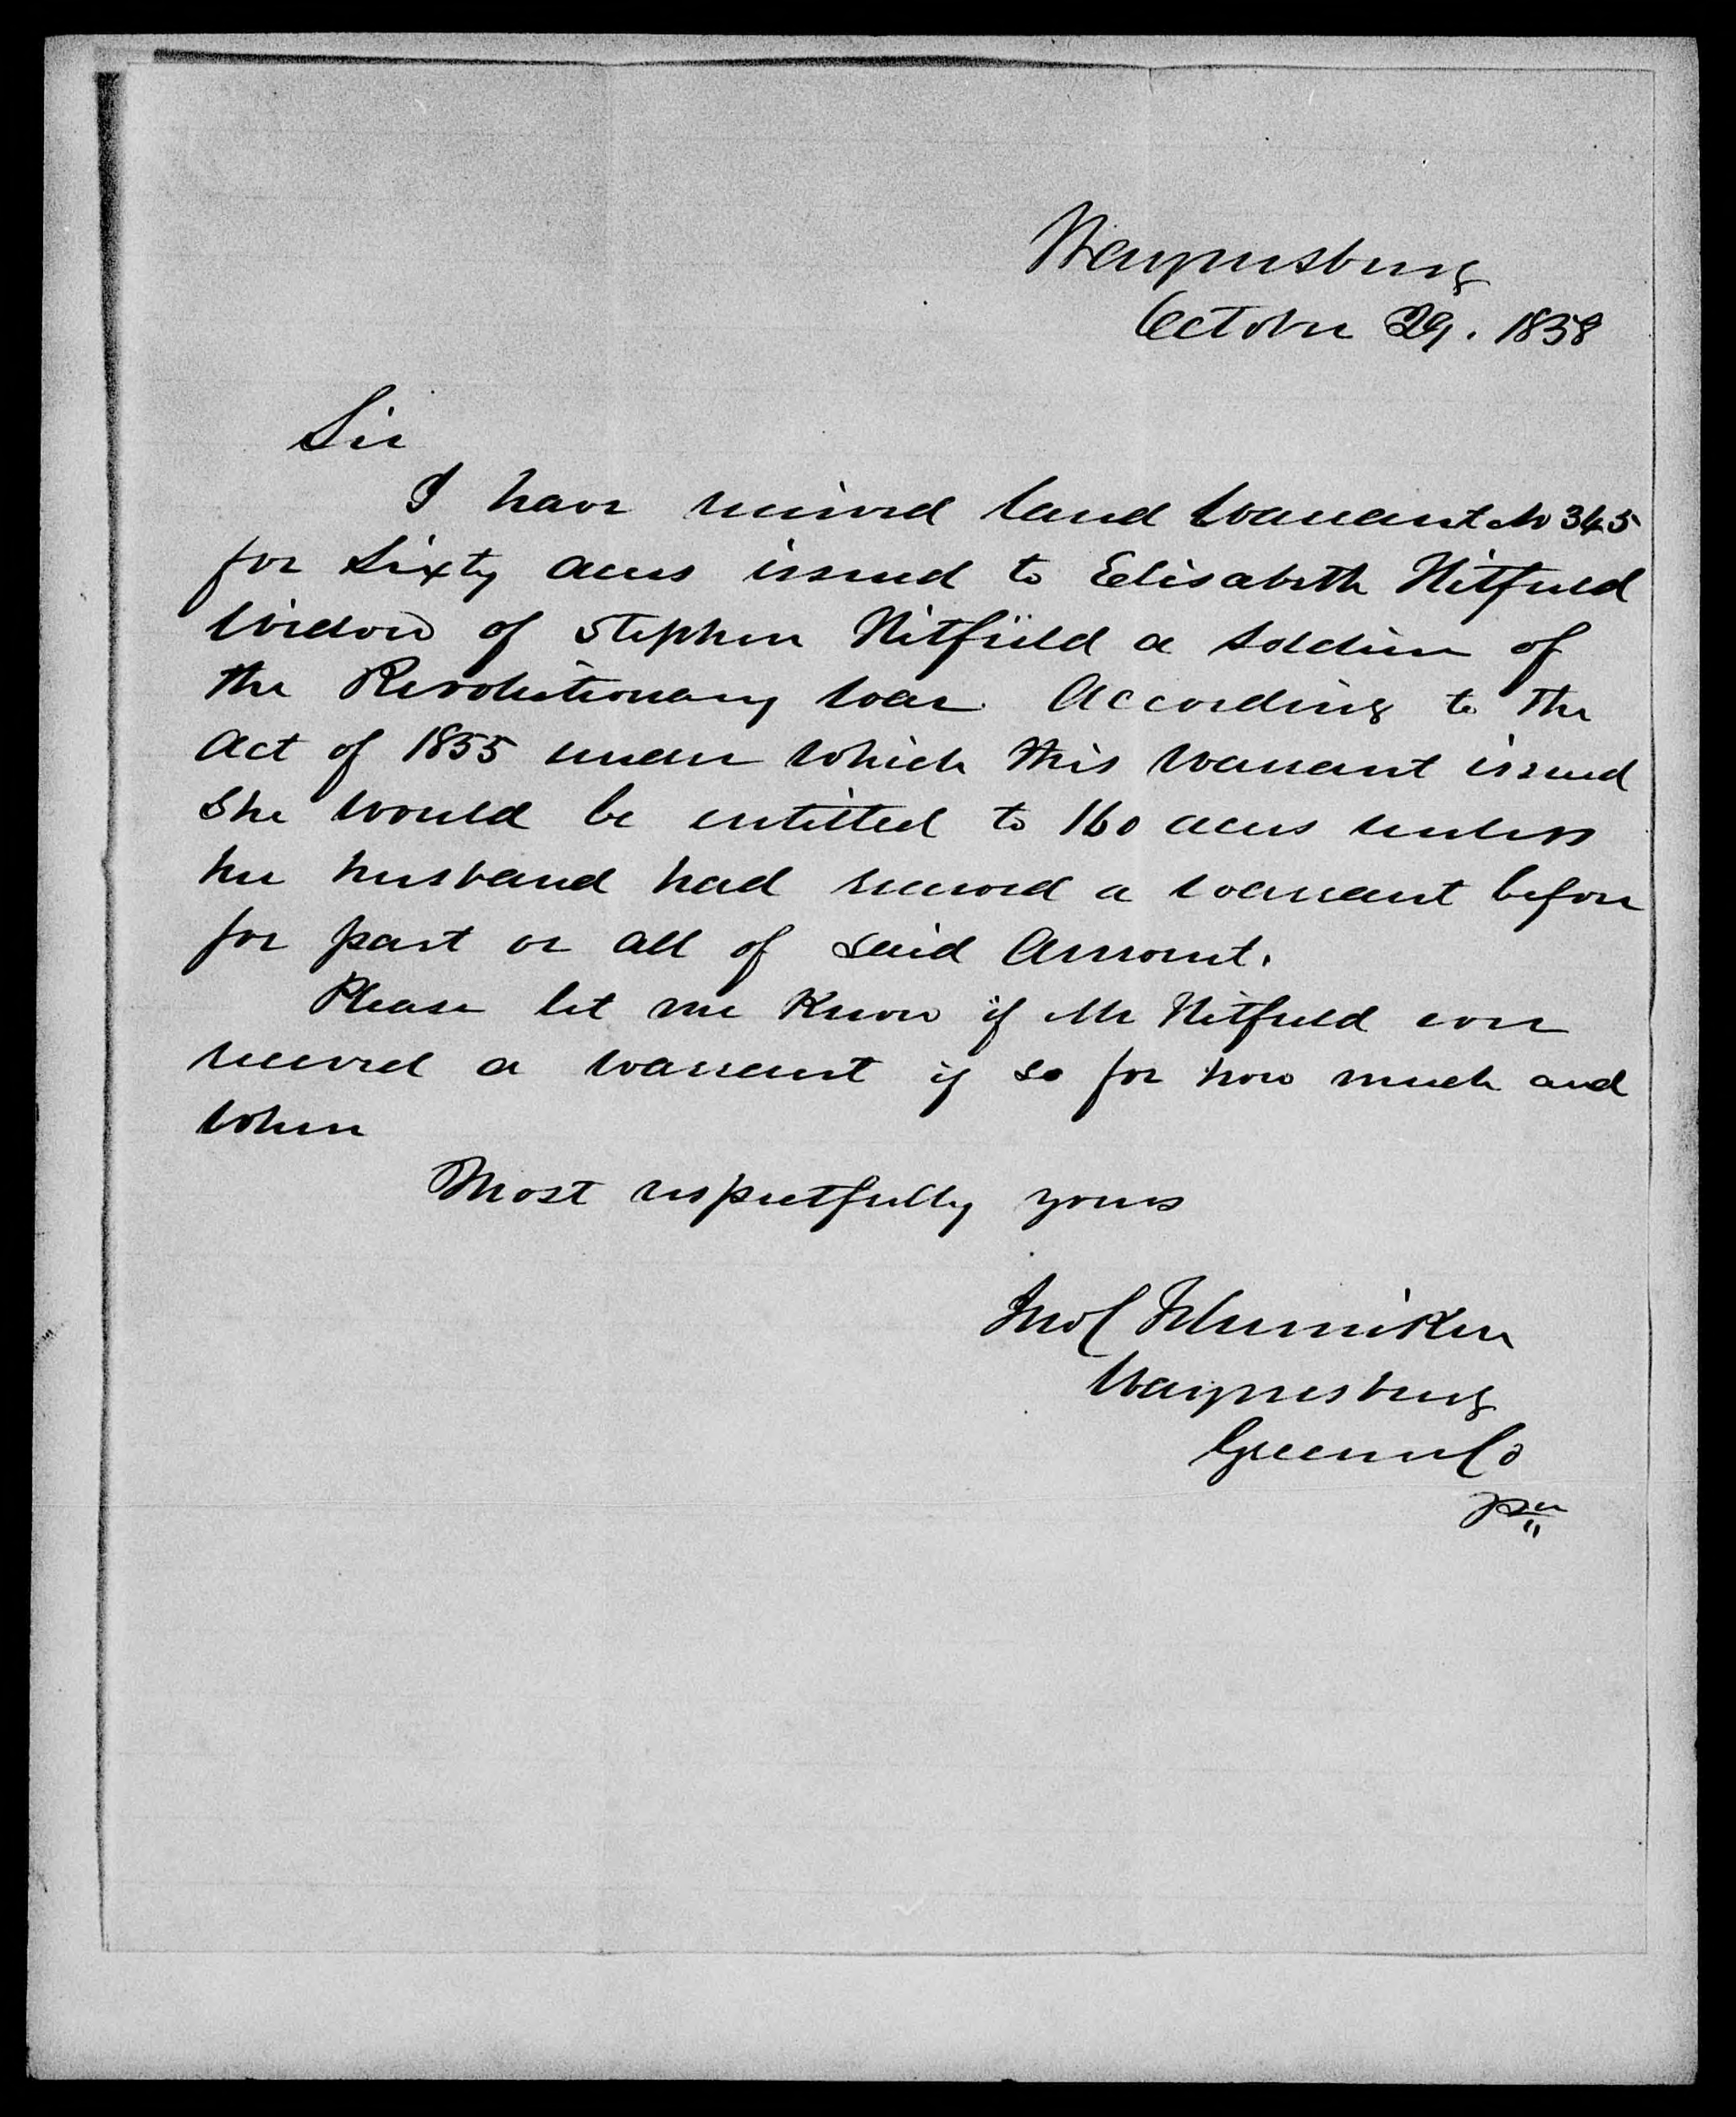Waynesburg
                                                                              October 29, 1858
Sir,

I have received land Warrant No 345
for Sixty acres issued to Elisabeth Hitfield
widow of Stephen Hitfield a Soldier of
the Revolutionary War. According to the
Act of 1855 under which which this warrant issued
She would be entitled to 160 acres unless
her husband had received a warrant before
for part or all of said amount.

Please let me know if Mr. Hitfield ever
receved a warrant if so for how much and
When

          Most respectfully yours
          Jno C Flenniken                   
          Waynesburg
          GreeneCo
          pa
           "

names: Stephen Hitfield, Jno C Flenniken, Elisabeth Hitfield, Hitfield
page: 44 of 45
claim: widow's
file: W. 2734, Stephen Hetfield, New Jersey